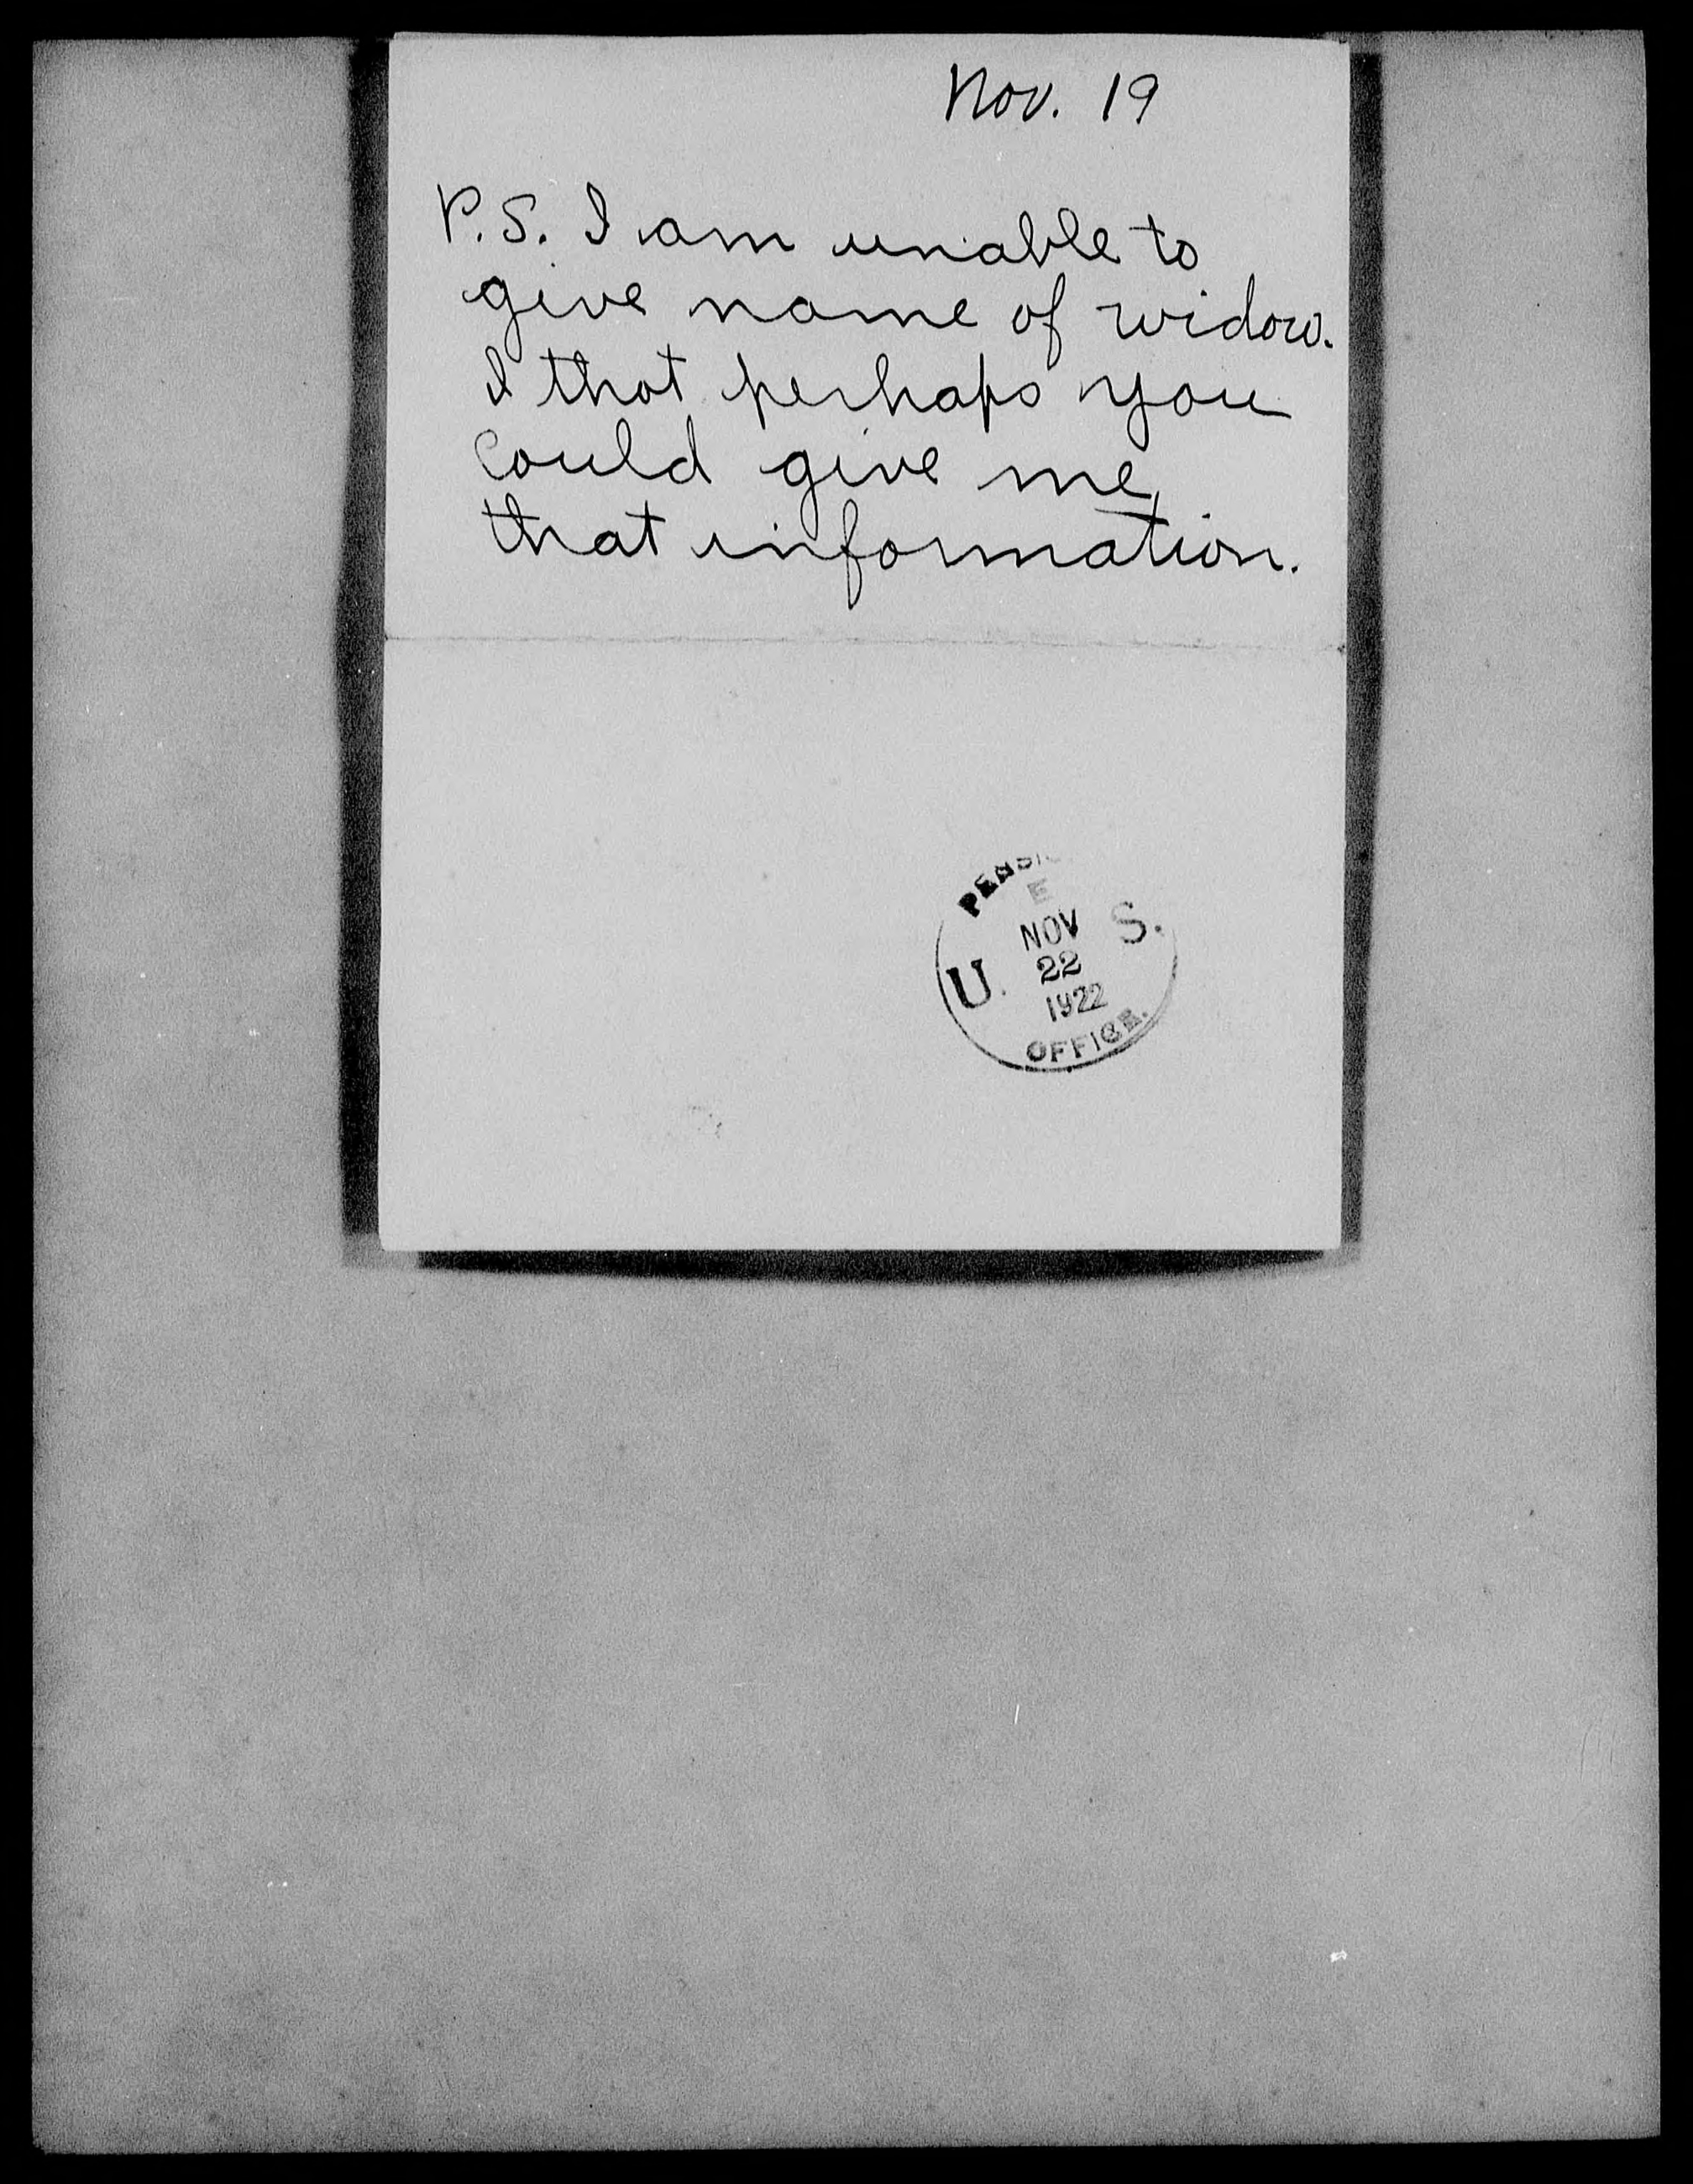Image 113      4160873_0013
Fold3 File #23857279

[Continued from image 112

Nov. 19  
P.S. I am unable to give name of widow. I [thought] that perhaps you could give me that information.

[postmark]  Nov 22 1922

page: 55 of 71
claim: widow's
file: W. 8428, for James Mc Gill, Pennsylvania